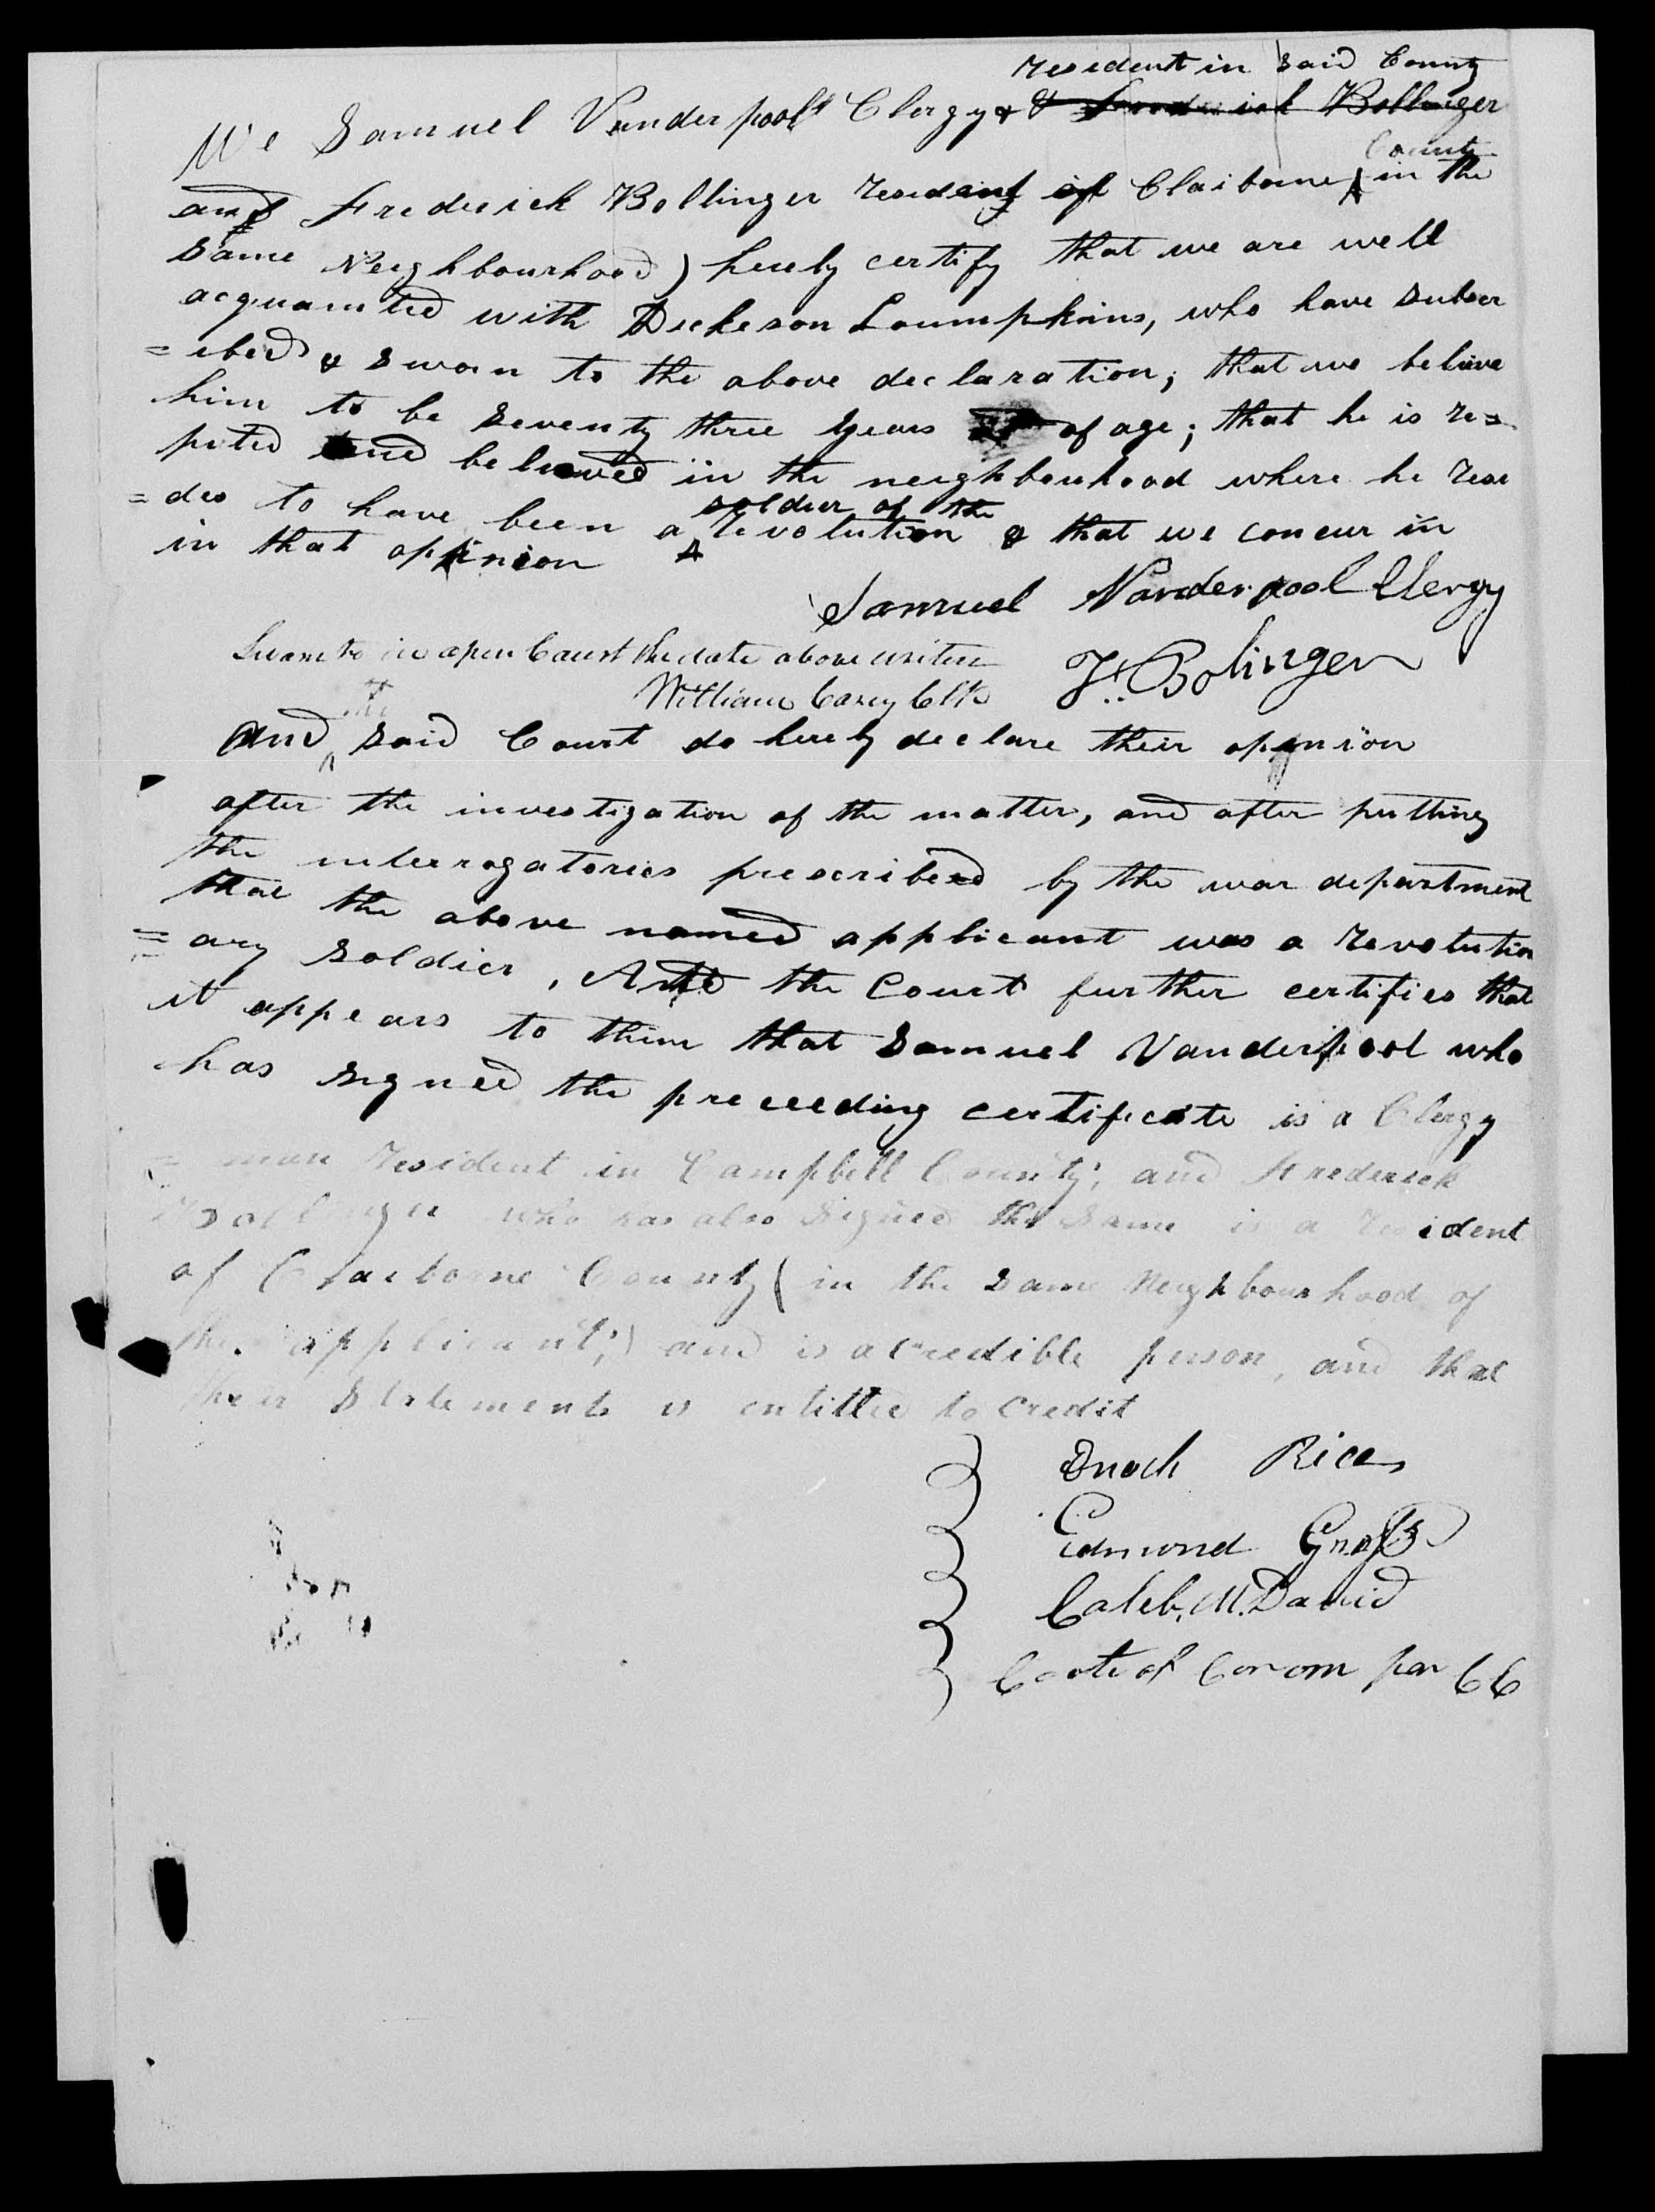We Samuel Vanderpool Clergy + resident in said County and Frederick Bellinger residing in Claiborne (inserted: County) the same Neighbourhood) hereby certify that we are well acquainted with Dickeson Lumpkins, who have subscribed & sworn to the above declaration; that we believe him to be seventy three years of age; that he is reputed and believed in the neighborhood where he resides to have been a soldier of the revolution +that we concur in in that opinion.

Samuel Vanderpool Clergy
F. Bolinger

Sworn to in open Court the date above written
William Carey Clk

and the said Court do hereby declare their opinion after the investigation of the matter, and after putting the interrogatories prescribed by the war department that the above named applicant was a revolution
any soldier, And the Court further certifies that
it appears to them that Samuel Vanderpool  who has signed the preceeding certificate is a Clergy man resident in Campbell County; and Frederick Bollinger who has also signed the same is a resident of Claiborne County in the same neighbourhood of the applicant;, and is a credible person, and that their statement is entitled to credit

{Enoch Rice
{Edmond Gross
{Caleb M. David
{(illegible) of (illegible) per 66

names: Samuel Vander; Caleb M David; F Bolinger; Edmond Gross; William Carey; Enoch Rice; Dickeson Loumpkins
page: 6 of 37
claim: rejected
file: R. 6521, for Dickeson Lumpkin, Pennsylvania